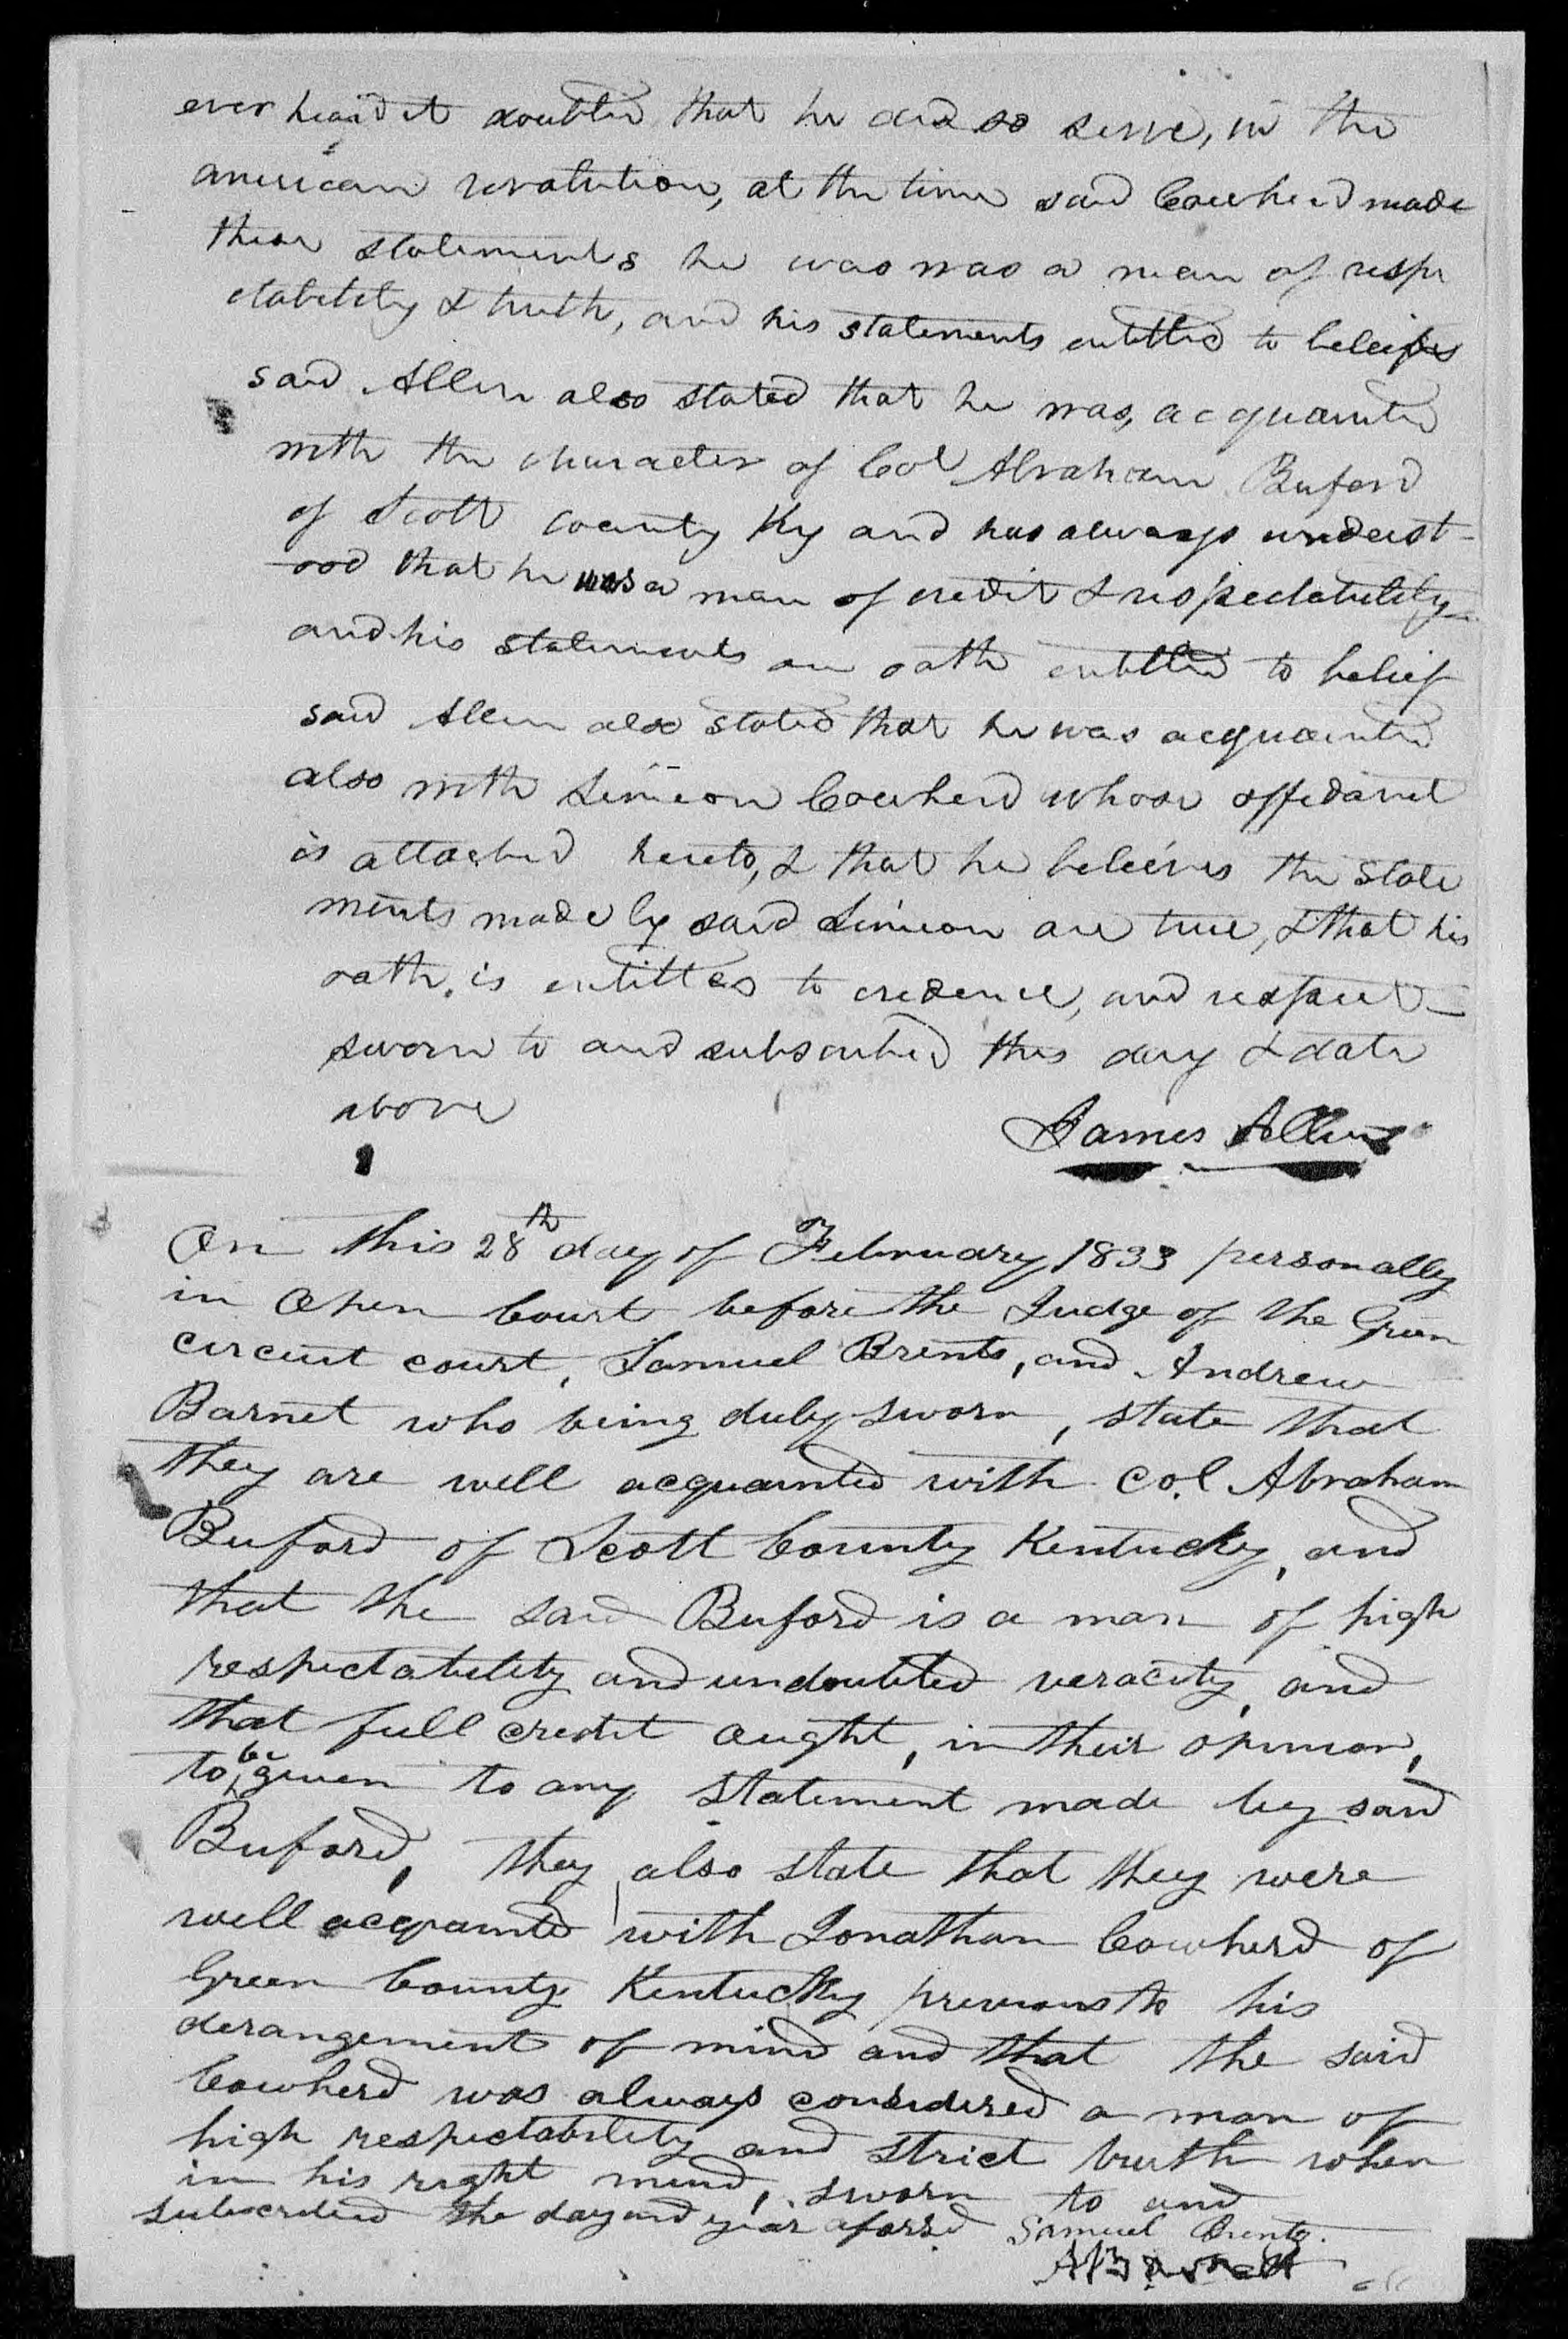ever heard it doubted that he said so serve, in the american revolution, at the time said Cowherd made these statements he was a man of respectability and truth, and his statements entitled to beliefs said Allen also stated that he was, acquainted with the characters of Col Abraham Buford of Scott County Ky and has always understood that he was a man of  credit respectability and his statements on oath enabled to belief said Allen also stated that he was acquainted with Simeon Cowherd whose affidavit is attached hereto, & that he believes the statements made by said Simeon are true, & that his oath is entitled to credence, and respect- Sworn to and subscribed this day & date above
                                  James Allen
On this 28th day of February 1833 personally in open Court before the Judge of the Green Circuit Court, Samuel Brents, and Andrew Barnet who being duly sworn, state that they are well acquainted with Col Abraham Buford of Scott County Kentucky, and that he said Buford is a man of high respectability and undoubted veracity and that full credit ought in his opinion
to be given to any statement made by said Buford. They also state that they were well acquainted with Jonathan Cowherd of Green County Kentucky previous to his derangement of mind and that the said Cowherd was always considered a man of high respectability and strict truth when in his right mind, Sworn to you subscribed the day and year aforsaid
                 Samuel Brents
            (signature illeligble)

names: Abraham Buford, Buford, Cowherd, Buford, James Allen, Abraham Buford, Simeon Cowherd, Andrew Barnet, Samuel Brents, Jonathan Cowherd, Allen, Simeon, Samuel Brents, Cowherd, Allen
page: 7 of 46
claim: widow's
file: W 8619, Jonathan Cowherd, Va.